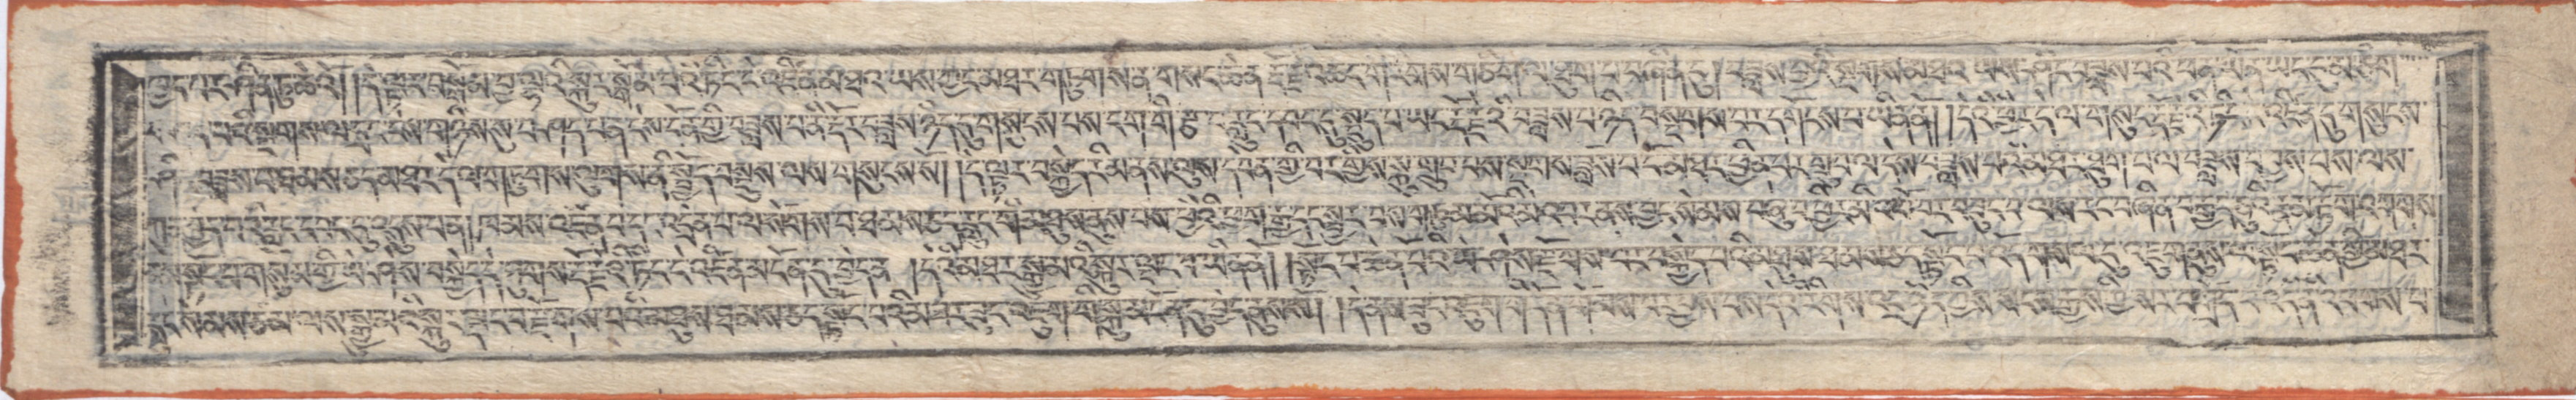ཁྱད་པར་ཤིན་ཏུ་ཆེའོ། །དེ་ལྟར་བསྒོམ་བྱ་ལྷའི་སྐུར་སྒོམ་པའི་ཏིང་ངེ་འཛིན་མཐའ་ཡས་ཀྱང་མཐར་གཏུགས་ན་གསང་ཆེན་རྡོ་རྗེ་འཆང་གི་རིགས་གཅིག་ལ་ཐུག་པ་བཞིན་དུ། བཟླས་བྱའི་སྔགས་མཐའ་ཡས་ཤིང་བཟླས་པའི་ཕན་ཡོན་ཡང་དུ་མ་ཅིག་
བཤད་པའི་སྔགས་ལ་དྲང་ངེས་གཉིས་སུ་བཤད་པ་ན་ངེས་དོན་གྱི་བཟླས་པ་ནི་རྡོར་བཟླས་ཉིད་དུ་གསུངས་པས་ངག་གི་རྩ་བ་རླུང་དབང་དུ་སྡུད་པ་ཡང་རྡོ་རྗེའི་བཟླས་པ་ཉིད་བསྔགས་པར་དགོངས་པ་ཡིན་ནོ། །དེའི་ཕྱིར་དེ་ལ་གསུང་རྡོ་རྗེའི་ཏིང་ངེ་འཛིན་དུ་གསུངས་
ཤིང་བཟླས་པ་ཐམས་ཅད་མཐར་དེ་ལ་གཏུགས་ལུགས་ནི་སྤྱོད་བསྡུས་ལས་གསུངས་སོ། །དེ་ལྟར་བསྐྱེད་རིམ་ནས་ལུས་དབེན་གྱི་བར་གྱིས་སྐུ་གྲུབ་པས་སྔགས་ཟློས་པ་པོ་མཐར་ཕྱིན་པར་གྲུབ་ལ་དེས་བཟླས་པའི་མཐར་ཐུག་པ་ལ་བཟླས་པ་བྱས་པས་ལས་
ཀུན་བྱེད་པའི་རླུང་དབང་དུ་འདུས་པ་ན། ཁམས་འཛིན་པ་དང་འདྲེན་པ་ལ་སོགས་པ་ཐམས་ཅད་རླུང་གི་མཐུས་ནུས་པས་ཕྱིའི་ཕྱག་རྒྱ་དང་སྦྱར་བས་གཏུམ་མོའི་མེ་འབར་ནས་བྱང་སེམས་བཞུ་བ་ཕྱིར་མི་འཕོ་བར་བཟུང་བ་ལས་རང་བཞིན་བརྒྱད་ཅུའི་རྣམ་རྟོག་འགགས་
ནས་སྟོང་པ་གསུམ་གྱི་ཡེ་ཤེས་བསྐྱེད་དེ་ཐུགས་རྡོ་རྗེའི་ཏིང་ངེ་འཛིན་མངོན་དུ་བྱེད་ན་།དེའི་མཐར་སྒྱུ་མའི་སྐུར་ལྡང་བ་ཡིན་ནོ། །སྟོང་པ་ཆེན་པོའི་ཡེ་ཤེས་རྫོགས་པར་བསྐྱེད་པའི་མཐུས་ཐམས་ཅད་སྟོང་པ་འོད་གསལ་དུ་འཇུག་ནུས་ལ་སྟོང་ཆེན་གྱི་མཐར་
རླུང་སེམས་ཙམ་ལས་སྒྱུ་མའི་སྐུར་ལྡང་བ་རྫོགས་པའི་མཐུས་ཐམས་ཅད་སྟོང་པའི་མཐར་ཟུང་འཇུག་གི་སྐུ་མངོན་དུ་བྱེད་ནུས་སོ། །དེ་ནས་ཟུང་འཇུག་གི་དོན་གོམས་པར་བྱས་པས་དེའི་རིགས་འདྲ་ཉིད་ཀྱིས་སངས་རྒྱས་ཀྱི་སར་བགྲོད་པ་འདི་ནི་འཕགས་པ་